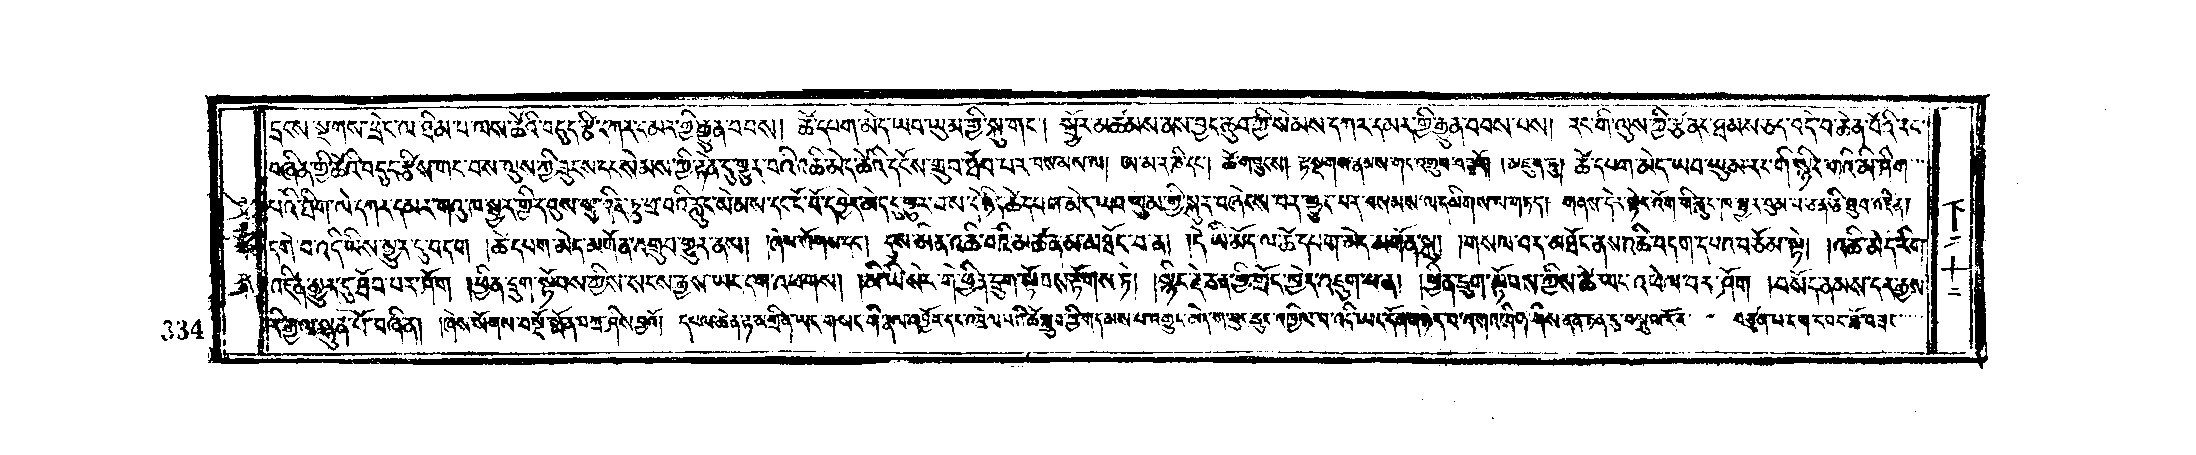དྲངས་སྔགས་ཕྲེང་ལ་ཐིམ་པ་ལས་ཚེའི་བདུད་རྩི་དཀར་དམར་གྱི་རྒྱུན་བབས། ཚེ་དཔག་མེད་ཡབ་ཡུམ་གྱི་སྐུ་གང་། སྦྱོར་མཚམས་ནས་བྱང་ཆུབ་ཀྱི་སེམས་དཀར་དམར་གྱི་རྒྱུན་བབས་པས། རང་གི་ལུས་ཀྱི་རྩ་ནང་ཐམས་ཅད་བདེ་བ་ཆེན་པོའི་རང་
བཞིན་གྱི་ཚེའི་བདུད་རྩིས་གང་བས་ལུས་ཀྱི་ཟུངས་དང་སེམས་ཀྱི་རྟེན་དུ་གྱུར་བའི་འཆི་མེད་ཚེའི་དངོས་གྲུབ་ཐོབ་པར་བསམས་ལ། ཨ་མ་ར་ཎི་དང་། ཚེ་གཟུངས། རྟ་སྔགས་རྣམས་གང་འགྲུབ་བཟླའོ། །མཇུག་ཏུ། ཚེ་དཔག་མེད་ཡབ་ཡུམ་རང་གི་སྙིང་གའི་མི་ཤིག་
པའི་ཐིག་ལེ་དཀར་དམར་གའུ་ཁ་སྦྱར་གྱི་དབུས་སུ་ཤིན་ཏུ་ཕྲ་བའི་རླུང་སེམས་དང་ངོ་བོ་དབྱེར་མེད་དུ་གྱུར་པས་དེ་ཉིད་ཚེ་དཔག་མེད་ཡབ་ཡུམ་གྱི་སྐུར་བཞེངས་པར་གྱུར་པར་བསམས་ལ་དམིགས་པ་གཏད། གནས་དེར་སྟེང་འོག་གི་རླུང་ཁ་སྦྱར་བུམ་པ་ཅན་ཅི་ཐུབ་འཛིན།
དགེ་བ་འདི་ཡིས་མྱུར་དུ་བདག །ཚེ་དཔག་མེད་མགོན་འགྲུབ་གྱུར་ནས། །ཞེས་སོགས་དང་། དུས་མིན་འཆི་བའི་མཚན་མ་མཐོང་བ་ན། །དེ་ཡི་མོད་ལ་ཚེ་དཔག་མེད་མགོན་སྐུ། །གསལ་བར་མཐོང་ནས་འཆི་བདག་དཔའ་བཅོམ་སྟེ། །འཆི་མེད་རིག་
འཛིན་མྱུར་དུ་ཐོབ་པར་ཤོག །ཕྱིན་དྲུག་སྟོབས་ཀྱིས་སངས་རྒྱས་ཡང་དག་འཕགས། །མི་ཡི་སེང་གེ་ཕྱིན་དྲུག་སྟོབས་རྟོགས་ཏེ། །སྙིང་རྗེ་ཅན་གྱི་གྲོང་ཁྱེར་འཇུག་པ་ན། །ཕྱིན་དྲུག་སྟོབས་ཀྱིས་ཚེ་ཡང་འཕེལ་བར་ཤོག །བསོད་ནམས་དར་རྒྱས་
རི་རྒྱལ་ལྷུན་པོ་བཞིན། །ཞེས་སོགས་བསྔོ་སྨོན་བཀྲ་ཤིས་བྱའོ། དཔལ་ཆེན་རྟ་མགྲིན་ཡང་གསང་གི་རྣལ་འབྱོར་དང་འབྲེལ་པའི་ཚེ་སྒྲུབ་ཀྱི་གདམས་པ་འགྱུར་མེད་གཡུང་དྲུང་འཁྱིལ་བ་འདི་ཡང་དོན་གཉེད་བ་འགའ་ཤིག་གིས་ནན་ཏན་དུ་བསྐུལ་ངོར ༧་བཙུན་པ་ངག་དབང་བློ་བཟང་